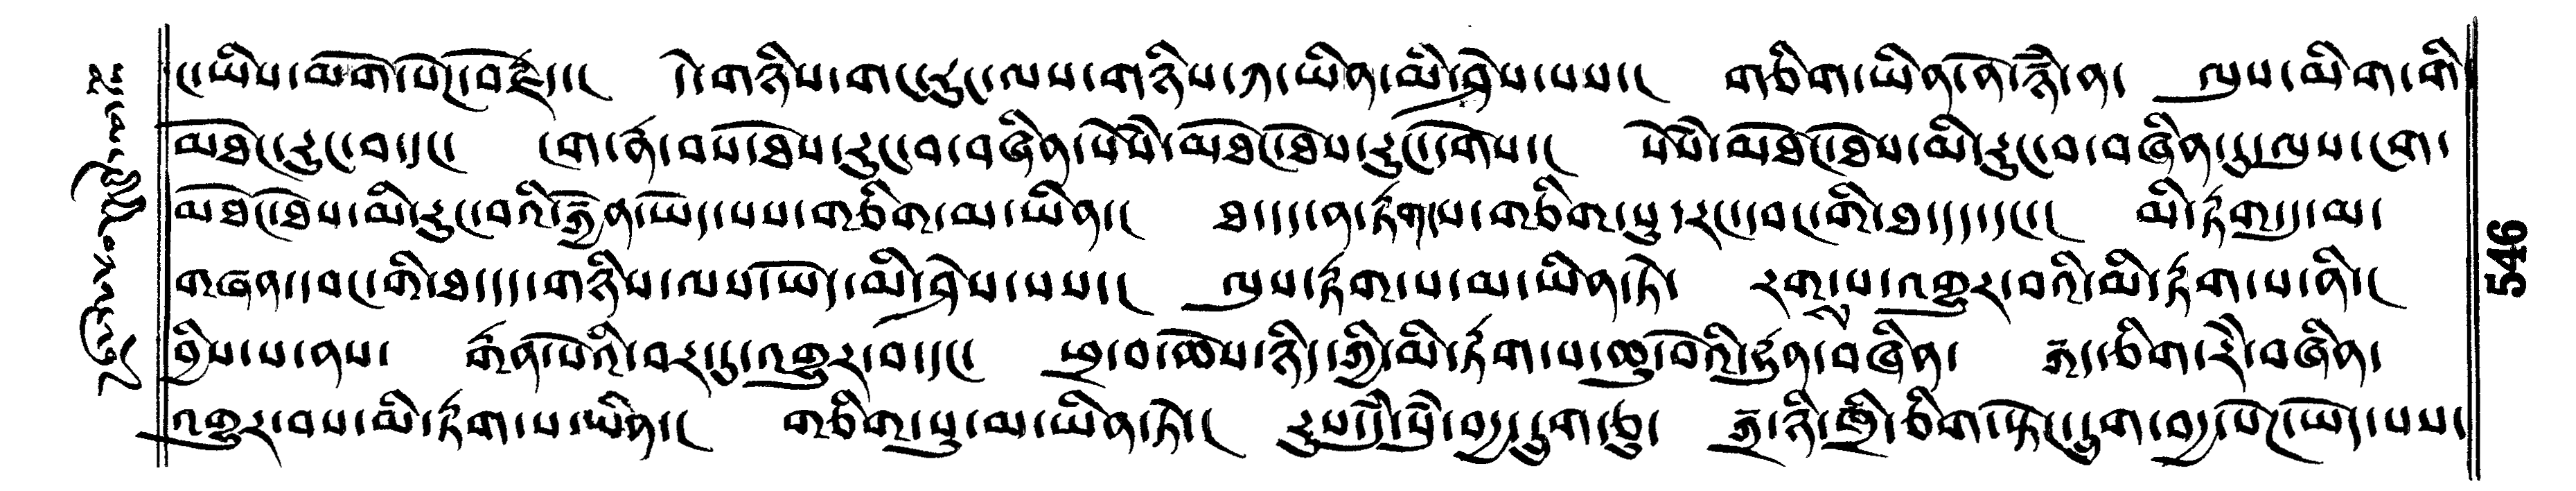ང་ཡིས་མགོ་སོགས་བརྗོད། དེ་གཉིས་གང་རུང་ལས་གཉིས་ཀ་ཡིན་མིན་མི་ཤེས་པས། གཅིག་ཡིན་ནོ་སྙམ་ན། ལུས་མིག་གི་
མཐོང་རུང་བ་དང་། ངག་རྣ་བས་ཐོས་རུང་བ་བཞིན་སེམས་མཐོང་ཐོས་རུང་དགོས། སེམས་མཐོང་ཐོས་མི་རུང་བ་བཞིན་དུ་ལུས་ངག་
མཐོང་ཐོས་མི་རུང་བའི་སྐྱོན་ཡོད་པས་གཅིག་མ་ཡིན། ཐ་དད་ན་རྟག་པ། གཅིག་པུ། རང་དབང་གིས་ཐ་དད་དང་། མི་རྟག་དུ་མ་
གཞན་དབང་གི་ཐ་དད་གཉིས་ལས་ཡོད་མི་ཤེས་པས།ལུས་རྟག་པ་མ་ཡིན་ཏེ། རགས་པ་འགྱུར་བའི་མི་རྟག་པ་ནི། 
བྱིས་པ་ནས། རྒན་པོའི་བར་དུ་འགྱུར་བ་དང་། ཕྲ་བ་ཆོས་ཉིད་ཀྱི་མི་རྟག་པ་ཆུ་བོའི་རྒྱུན་བཞིན། སྐད་ཅིག་རེ་རེ་བཞིན་
འགྱུར་བས་མི་རྟག་པ་ཡིན། གཅིག་པུ་མ་ཡིན་ཏེ། རུས་དུམ་སུམ་བརྒྱ་དྲུག་ཅུ། སྐྲ་ཉི་ཁྲི་ཆིག་སྟོང་དྲུག་བརྒྱ་སོགས་ཡོད་པས་